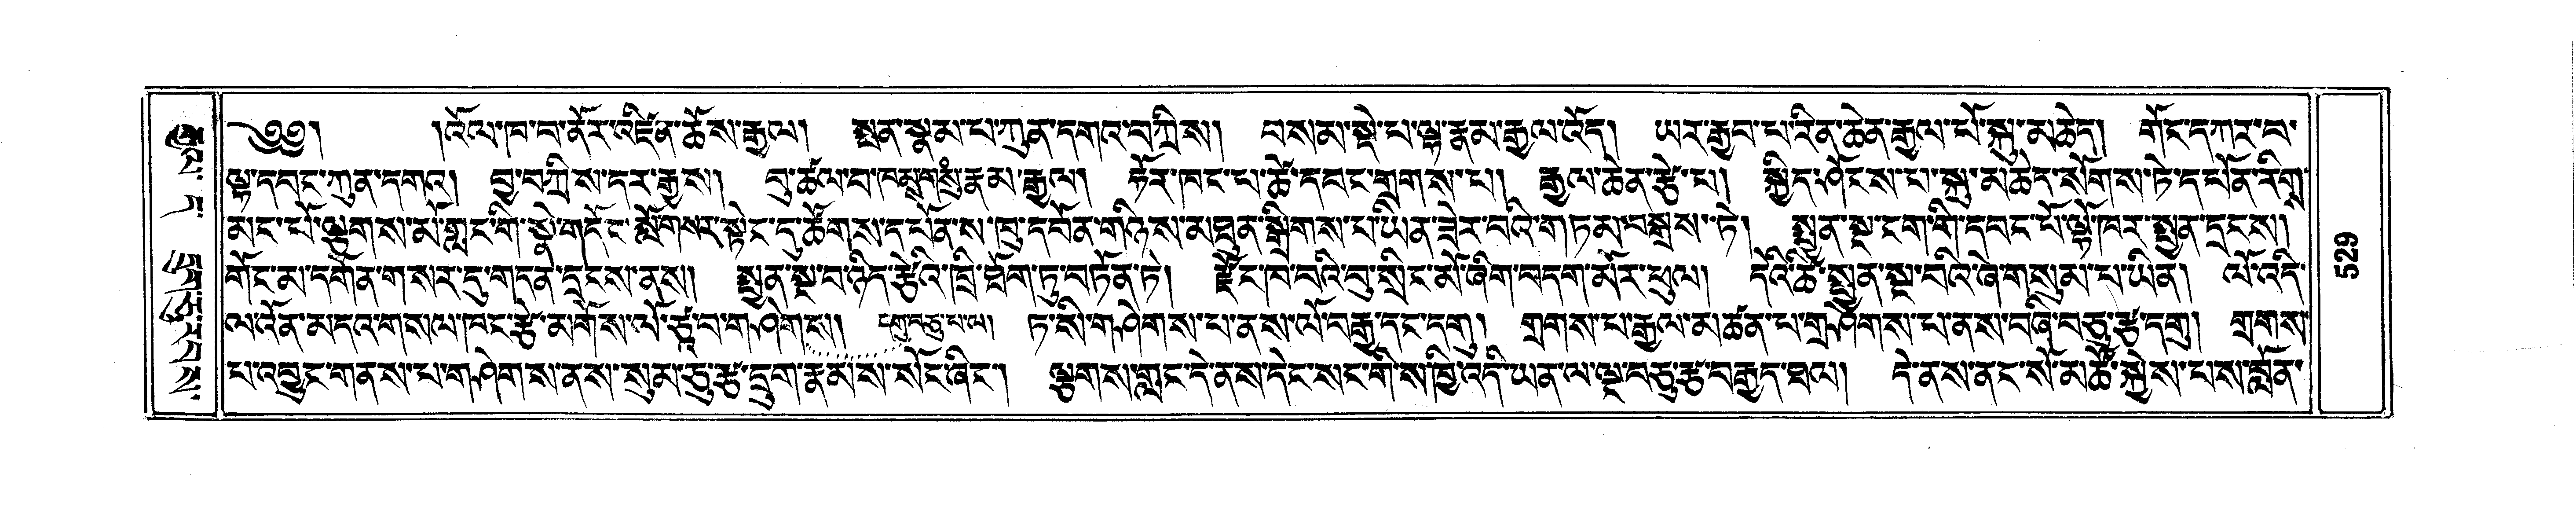༄༅། །འོལ་ཁ་བ་ནོར་འཛིན་ཆོས་རྒྱལ། སྤན་སྣམ་པ་ཀུན་དགའ་བཀྲིས། བསམ་སྡེ་པ་ལྷ་རྣམ་རྒྱལ་འོད། ཡར་རྒྱབ་པ་རིན་ཆེན་རྒྱལ་པོ་སྐུ་མཆེད། གོང་དཀར་བ་
ལྷ་དབང་ཀུན་དགའ། བྱ་བཀྲིས་དར་རྒྱས། བུ་ཚལ་བ་ཁམས་གསུཾ་རྣམ་རྒྱལ། ཧོར་ཁང་པ་ཚེ་དབང་གྲགས་པ། རྒྱལ་ཆེན་རྩེ་པ། སྐྱིད་ཤོངས་པ་སྐུ་མཆེད་སོགས་ཏེ་དཔོན་རིགས་
མང་པོ་ལྕགས་མོ་གླང་གི་སྣེ་གདོང་སློ་གསར་སྟེང་དུ་ཚོགས་དཔོན་ས་ཁུ་དབོན་གཉིས་མཐུན་སྒྲིགས་པ་ཡིན་ཟེར་བའི་གཏམ་བསྒྲས་ཏེ། སྤྱན་སྔ་ངག་གི་དབང་པོ་ལྷོ་ཁར་སྤྱན་དྲངས།
གོང་མ་དགོན་གསར་དུ་གདན་དྲངས་ནས། སྤྱན་སྔ་བ་ཉིད་རྩེའི་ཁྲི་ཐོག་ཏུ་བཏོན་ཏེ། རྫོང་ཁ་བའི་བུ་སྲིང་མོ་ཞིག་བདག་མོར་ཕུལ། དེའི་ཚི་སྤྱན་སྔ་བའི་ཞེ་གསུམ་པ་ཡིན། ལོ་འདི་
ལ་འོན་མདའ་གསལ་ཁང་རྩེ་མགོས་ལོ་ཙཱ་བ་གཤེགས། དགུ་བཅུ་པ་ལ།  ཏ་སི་གཤེགས་པ་ནས་ལོ་བརྒྱ་དང་དགུ། གྲགས་པ་རྒྱལ་མཚན་པ་གྲ་ཤེགས་པ་ནས་བཞི་བཅུ་རྩ་དགུ། གྲགས་
པ་འབྱུང་གནས་པ་གཤེགས་ནས་སུམ་ཅུ་རྩ་དྲུག་རྣམས་སོང་ཞིང་། ལྕགས་གླང་དེ་ནས་དེང་སང་གི་ས་ཁྱི་འདི་ཡན་ལ་ལྔ་བཅུ་རྩ་བརྒྱད་ཐལ། དེ་ནས་ནང་སོ་མཚོ་སྐྱེས་པས་བློན་